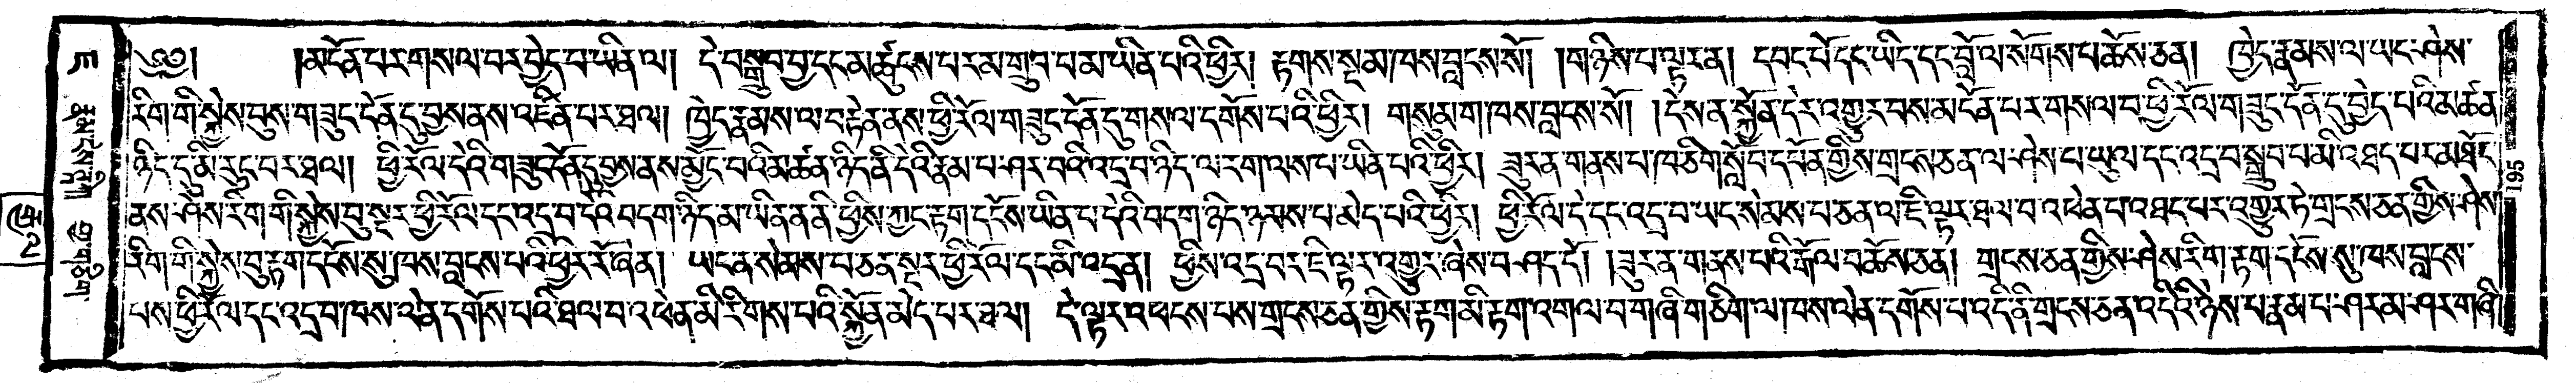༄༅། །མངོན་པར་གསལ་བར་བྱེད་པ་ཡིན་ལ། དེ་བསྒྲུབ་བྱ་དང་མཚུངས་པར་མ་གྲུབ་པ་མ་ཡིན་པའི་ཕྱིར། རྟགས་སྔ་མ་ཁས་བླངས་སོ། །གཉིས་པ་ལྟར་ན། དབང་པོ་དང་ཡིད་དང་བློ་ལ་སོགས་པ་ཆོས་ཅན། ཁྱེད་རྣམས་ལ་ཡང་ཤེས་
རིག་གི་སྐྱེས་བུས་གཟུང་དོན་དུ་བྱས་ནས་འཛིན་པར་ཐལ། ཁྱེད་རྣམས་ལ་བརྟེན་ནས་ཕྱི་རོལ་གཟུང་དོན་དུ་གསལ་དགོས་པའི་ཕྱིར། གསུམ་ག་ཁས་བླངས་སོ། །དེས་ན་སྐྱོན་དེར་འགྱུར་བས་མངོན་པར་གསལ་བ་ཕྱི་རོལ་གཟུང་དོན་དུ་བྱེད་པའི་མཚན་
ཉིད་དུ་མི་རུང་བར་ཐལ། ཕྱི་རོལ་དེའི་གཟུང་དོན་དུ་བྱས་ནས་མྱོང་བའི་མཚན་ཉིད་ནི་དེའི་རྣམ་པ་ཤར་བའི་འདྲ་བ་ཉིད་ལ་རག་ལས་པ་ཡིན་པའི་ཕྱིར། ཟུར་ན་གནས་པ་ཁ་ཅིག་སློབ་དཔོན་གྱིས་གྲངས་ཅན་ལ་ཤེས་པ་ཡུལ་དང་འདྲ་བ་སྒྲུབ་པ་མི་འཐད་པར་མཐོང་
ནས་ཤེས་རིག་གི་སྐྱེས་བུ་སྔར་ཕྱི་རོལ་དང་འདྲ་བ་དེའི་བདག་ཉིད་མ་ཡིན་ན་ནི་ཕྱིས་ཀྱང་རྟག་དངོས་ཡིན་པ་དེའི་བདག་ཉིད་ཉམས་པ་མེད་པའི་ཕྱིར། ཕྱི་རོལ་དེ་དང་འདྲ་བ་ཡང་སེམས་པ་ཅན་ལ་ཇི་ལྟར་ཐལ་བ་འཕེན་པ་འཐད་པར་འགྱུར་ཏེ་གྲངས་ཅན་གྱིས་ཤེས་
རིག་གི་སྐྱེས་བུ་རྟག་དངོས་སུ་ཁས་བླངས་པའི་ཕྱིར་རོ་ཞེ་ན། ཡང་ན་སེམས་པ་ཅན་སྔར་ཕྱི་རོལ་དང་མི་འདྲན། ཕྱིས་འདྲ་བར་ཇི་ལྟར་འགྱུར་ཞེས་བཤད་དོ། །ཟུར་ན་གནས་པའི་རྒོལ་བ་ཆོས་ཅན། གྲངས་ཅན་གྱིས་ཤེས་རིག་རྟག་དངོས་སུ་ཁས་བླངས་
པས་ཕྱི་རོལ་དང་འདྲ་བ་ཁས་ལེན་དགོས་པའི་ཐལ་བ་འཕེན་མི་རིགས་པའི་སྐྱོན་མེད་པར་ཐལ། དེ་ལྟར་འཕངས་པས་གྲངས་ཅན་གྱིས་རྟག་མི་རྟག་འགལ་བ་གཞི་གཅིག་ལ་ཁས་ལེན་དགོས་པ་འདི་ནི་གྲངས་ཅན་འདིའི་ཉེས་པ་རྣམ་པ་ཤར་མ་ཤར་གཞི་